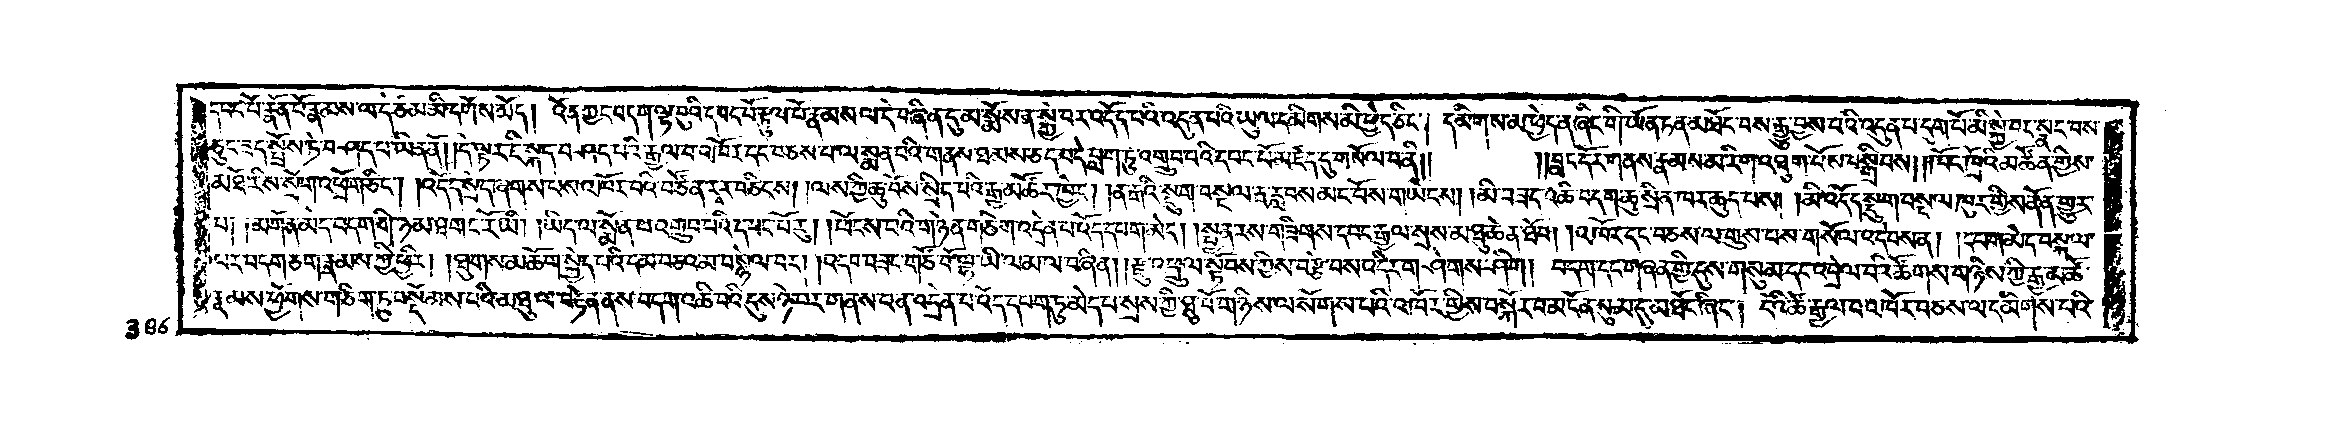དབང་པོ་རྣོན་པོ་རྣམས་ལ་དེ་དམ་མི་དགོས་མོད། འོན་ཀྱང་བདག་ལྟ་བུའི་དབང་པོ་རྟུལ་པོ་རྣམས་ལ་དེ་བཞིན་དུ་མ་སྨོས་ན་སྐྱེ་བར་འདོད་པའི་འདུན་པའི་ཡུལ་དམིགས་མི་ཕྱེད་ཅིང་། དམིགས་མ་ཕྱེད་ན་ཞིང་གི་ཡོན་ཏན་མཐོང་བས་རྒྱུ་བྱས་པའི་འདུན་པ་དྲག་པོ་མི་སྐྱེ་བར་སྣང་བས་
ཅུང་ཟད་སྤྲོས་ཏེ་བཤད་པ་ཡིན་ནོ། །དེ་ལྟར་ཇི་སྐད་བཤད་པའི་རྒྱལ་བ་འཁོར་དང་བཅས་པ་ལ་སྨན་པའི་གནས་ཐམས་ཅད་བདེ་བླག་ཏུ་འགྲུབ་པའི་དབང་པོ་མཛད་དུ་གསོལ་བ་ནི།། །།བླང་དོར་གནས་རྣམས་མ་རིག་འཐུག་པོས་བསྒྲིབས། །ཁོང་ཁྲོའི་མཚོན་གྱིས་
མཐོ་རེས་སྲོག་འཕྲོག་ཅིང་། །འདོད་སྲེད་ཞགས་པས་འཁོར་བའི་བཙོན་རར་བཅིངས། །ལས་ཀྱི་ཆུ་པོས་སྲིད་པའི་རྒྱ་མཚོར་ཁྱེར། །ན་རྒའི་སྡུག་བསྔལ་རྭ་རླབས་མང་པོས་གཡེངས། །མི་བཟང་འཆི་བདག་ཆུ་སྲིན་ཁར་ཆུད་པས། །མི་འདོད་སྡུག་བསྔལ་ཁུར་གྱིས་ནོན་གྱུར་
བ། །མགོན་མེད་བདག་གི་ཉམ་ཐག་ང་རོ་ཡི། །ཡིད་ལ་སྨོན་པ་འགྲུབ་པའི་དཔང་པོ་རུ། །ཕོངས་པའི་གཉེན་གཅིག་འདྲེན་པ་འོད་དཔག་མེད། །སྤྱན་རས་གཟིགས་དབང་རྒྱལ་སྲས་མཐུ་ཆེན་ཐོབ། །འཁོར་དང་བཅས་ལ་གུས་པས་གསོལ་འདེབས་ན། །དཔག་མེད་བསྐལ་
པར་བདག་ཅག་རྣམས་ཀྱི་ཕྱིར། །ཐུགས་མཆོག་སྐྱེད་པའི་དམ་བཅའ་མ་བསྙེལ་བར། །འདབ་བཟང་གཙོ་བོ་ལྷ་ཡི་ལམ་ལ་བཞིན། །རྫུ་འཕྲུལ་སྟོབས་ཀྱིས་བརྩེ་བས་འདིར་གཤེགས་ཤིག ། བདག་དང་གཞན་གྱི་དུས་གསུམ་དང་འབྲེལ་བའི་ཚོགས་གཉིས་ཀྱི་རྒྱ་མཚོ་
རྣམས་ཕྱོགས་གཅིག་ཏུ་བསྡོམས་པའི་མཐུ་ལ་བརྟེན་ནས་བདག་འཆི་བའི་དུས་ཉེ་བར་གནས་པ་ན་འདྲེན་པ་འོད་དཔག་ཏུ་མེད་པ་སྲས་ཀྱི་ཐུ་བོ་གཉིས་ལ་སོགས་པའི་འཁོར་གྱིས་བསྐོར་བ་མངོན་སུམ་དུ་མཐོང་ཞིང་། དེའི་ཚེ་རྒྱལ་བ་འཁོར་བཅས་ལ་དམིགས་པའི་